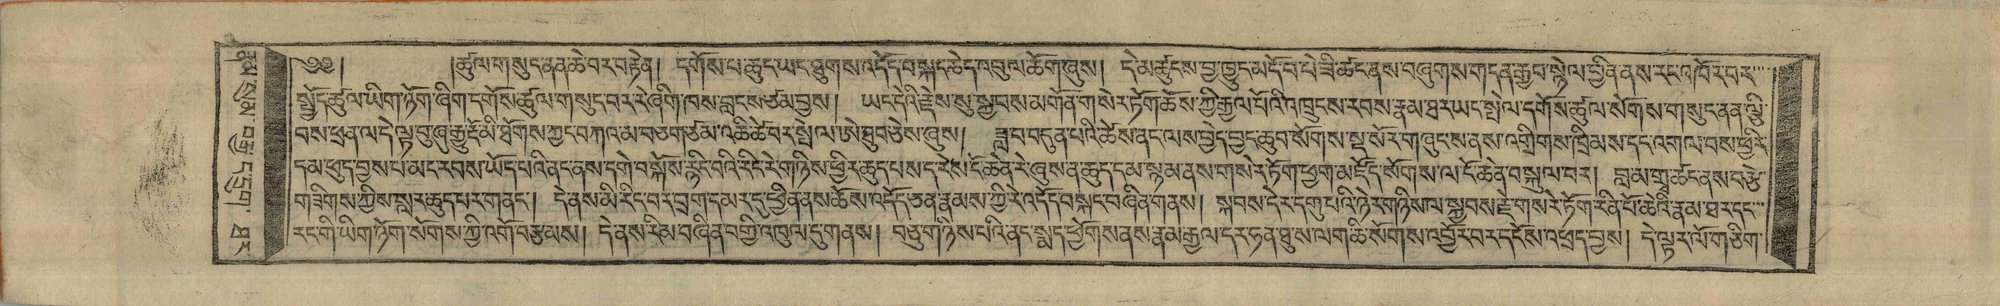༄༅། །ཚུལ་གསུང་ནན་ཆེ་བར་བརྟེན། དགོས་པ་ཆུང་ཡང་ཐུགས་འདོད་བསྐང་ཆེད་འབུལ་ཆོག་ཞུས། དེ་མཚུངས་བྱ་ཁྱུད་མདོ་པ་པེ་ཟི་ཚང་ནས་བཞུགས་གདན་རྒྱབ་སྙེལ་བྱིན་ནས་རང་འཁོར་བར་
སྤྱོད་ཚུལ་ཡིག་ཉོག་ཞིག་དགོས་ཚུལ་གསུང་བར་རེ་ཞིག་ཁས་བླངས་ཙམ་བྱས། ཡང་དེའི་རྗེས་སུ་སྐྱབས་མགོན་གསེར་ཏོག་ཆོས་ཀྱི་རྒྱལ་པོའི་འཁྲུངས་རབས་རྣམ་ཐར་ཡང་སྤེལ་དགོས་ཚུལ་སོགས་གསུང་ནན་ལྕི་
བས་ཕྲན་ལ་དེ་ལྟ་བུ་ཞུ་རྒྱུ་རྔོ་མི་ཐོགས་ཀྱང་བཀའ་མ་བཅག་ཙམ་འཆི་ཚེ་བར་སྤེལ་ཨེ་ཐུབ་ཅེས་ཞུས། ཟླ་བ་བདུན་པའི་ཚེས་ནང་ལས་བྱེད་བྱང་ཆུབ་སོགས་སྔ་སོར་གཞུང་ས་ནས་འགྲིགས་ཁྲིམས་དང་འགལ་བས་ཕྱིར་
དམ་ཕུད་བྱས་པ་མང་རབས་ཡོད་པའི་ནང་ནས་དགེ་བསྐོས་རྙིང་བའི་རིང་རེ་གཉིས་ཕྱིར་ཆུད་པས་ད་རེས་ངོ་ཆེན་རེ་ཞུས་ན་ཆུད་དམ་སྙམ་ནས་གསེར་ཏོག་ཕྱག་མཛོད་སོགས་ལ་ངོ་ཆེན་བསྐུལ་བར། བླ་མ་གྲྭ་ཚང་ནས་བརྩེ་
གཟིགས་ཀྱིས་སླར་ཆུད་པར་གནང་། དེ་ནས་མི་རིང་བར་བྲག་དམར་དུ་ཕྱིན་ནས་ཆོས་འདོད་ཅན་རྣམས་ཀྱི་རེ་འདོད་བསྐང་བཞིན་གནས། སྐབས་དེར་དགུ་པའི་ཉེར་གཉིས་ལ་སྐྱབས་རྗེ་གསེར་ཏོག་རིན་པོ་ཆེའི་རྣམ་ཐར་དང་
རང་གི་ཡིག་ཉོག་སོགས་ཀྱི་འགོ་བརྩམས། དེ་ནས་རིམ་བཞིན་བགྱི་འཁུལ་དུ་གནས། བཅུ་གཉིས་པའི་ནང་སྨད་ཕྱོགས་ནས་རྣམ་རྒྱལ་དར་ཧན་ཐུ་ས་ལག་ཆི་སོགས་འབྱོར་བར་དངོས་འཕྲད་བྱས། དེ་ལྟར་ལོ་གཅིག་